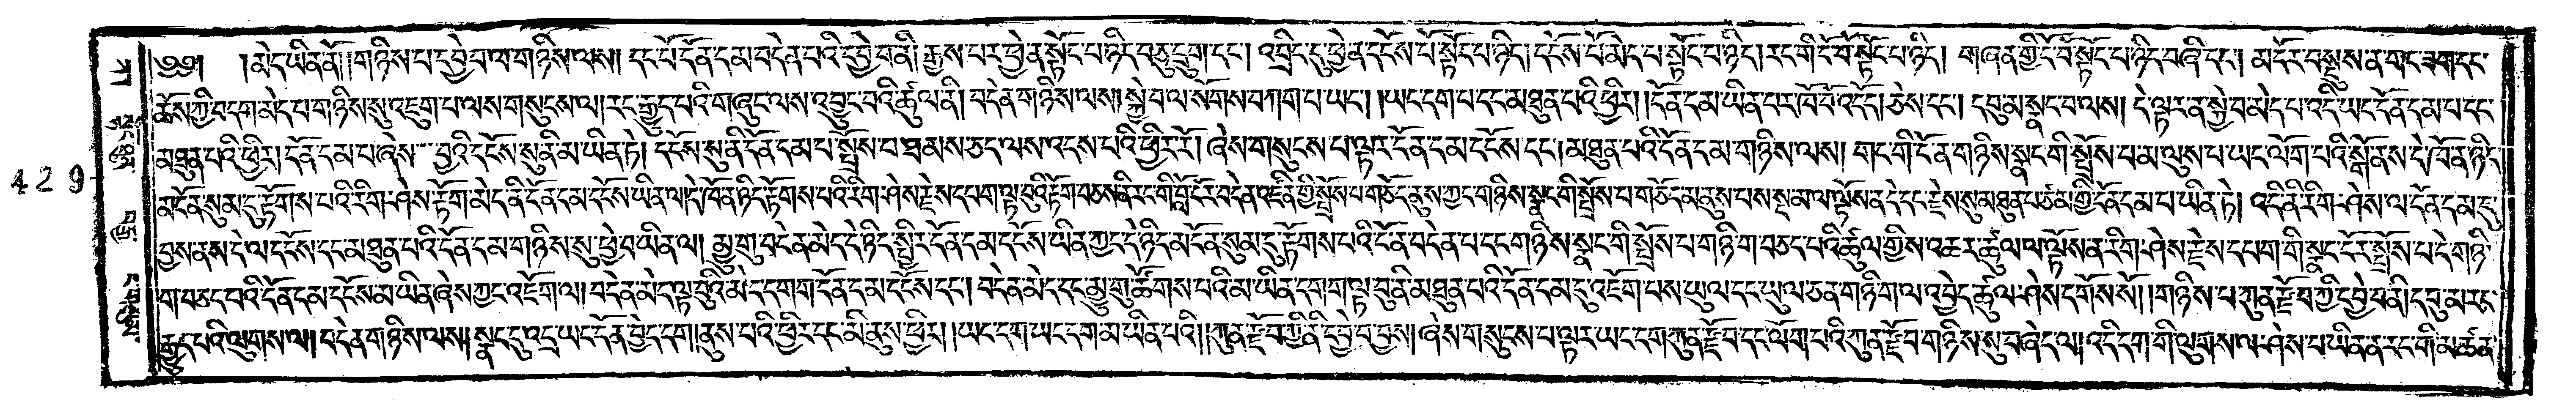༄༅། །མེད་ཡིན་ནོ། །གཉིས་པ་དབྱེ་པ་ལ་གཉིས་ལས། དང་བོ་དོན་དམ་བདེན་པའི་དབྱེ་བ་ནི། རྒྱས་པར་ཕྱེ་ན་སྟོང་པ་ཉིད་བཅུ་དྲུག་དང་། འབྲིང་དུ་ཕྱེ་ན་དངོས་པོ་སྟོང་པ་ཉིད། དངོས་པོ་མེད་པ་སྟོང་པ་ཉིད། རང་གི་ངོ་བོ་སྟོང་པ་ཉིད། གཞན་གྱི་ངོ་བོ་སྟོང་པ་ཉིད་བཞི་དང་། མདོར་བསྡུས་ན་གང་ཟག་དང་
ཆོས་ཀྱི་བདག་མེད་པ་གཉིས་སུ་འཇུག་པ་ལས་གསུངས་ལ། རང་རྒྱུད་པའི་གཞུང་ལས་འབྱུང་བའི་ཚུལ་ནི། བདེན་གཉིས་ལས། སྐྱེ་བ་ལ་སོགས་བཀག་པ་ཡང་། །ཡང་དག་པ་དང་མཐུན་པའི་ཕྱིར། །དོན་དམ་ཡིན་པར་ཁོ་བོ་འདོད། ཅེས་དང་། དབུམ་སྣང་བ་ལས། དེ་ལྟར་ན་སྐྱེ་བ་མེད་པ་འདི་ཡང་དོན་དམ་པ་དང་
མཐུན་པའི་ཕྱིར། དོན་དམ་པ་ཞེས་བྱའི་དངོས་སུ་ནི་མ་ཡིན་ཏེ། དངོས་སུ་ནི་དོན་དམ་པ་སྤྲོས་བ་ཐམས་ཅད་ལས་འདས་པའི་ཕྱིར་རོ། ཞེས་གསུངས་པ་ལྟར་དོན་དམ་དངོས་དང་། མཐུན་པའི་དོན་དམ་གཉིས་ལས། གང་གི་ངོ་ན་གཉིས་སྣང་གི་སྤྲོས་པ་མ་ལུས་པ་ཡང་ལོག་པའི་སྒོ་ནས་དེ་ཁོ་ན་ཉིད་
མངོན་སུམ་དུ་རྟོགས་པའི་རིག་ཤེས་རྟོག་མེད་ནི་དོན་དམ་དངོས་ཡིན་ལ། དེ་ཁོ་ན་ཉིད་རྟོགས་པའི་རིག་ཤེས་རྗེས་དཔག་ལྟ་བུའི་རྟོག་བཅས་ནི་རང་གི་བློ་ངོར་བདེན་འཛིན་གྱི་སྤྲོས་པ་གཅོད་ནུས་ཀྱང་གཉིས་སྣང་གི་སྦྲོས་པ་གཅོད་མ་ནུས་པས་སྔ་མ་ལ་ལྟོས་ན་དེ་དང་རྗེས་སུ་མཐུན་པ་ཙམ་གྱི་དོན་དམ་པ་ཡིན་ཏེ། འདི་ནི་རིག་ཤེས་ལ་དོན་དམ་དུ་
བྱས་ནས་དེ་ལ་དངོས་དང་མཐུན་པའི་དོན་དམ་གཉིས་སུ་ཕྱེ་བ་ཡིན་ལ། མྱུ་གུ་བདེན་མིད་དེ་ཉིད་སྤྱིར་དོན་དམ་དངོས་ཡིན་ཀྱང་དེ་ཉིད་མངོན་སུམ་དུ་རྟོགས་པའི་ངོ་ན་བདེན་པ་དང་གཉིས་སྣང་གི་སྤྲོས་པ་གཉི་ག་བཅད་པའི་ཚུལ་གྱིས་འཆར་ཚུལ་ལ་ལྟོས་ན་རིག་ཤེས་རྗེས་དཔག་གི་སྣང་ངོར་སྤྲོས་པ་དེ་གཉི་
ག་བཅད་པའི་དོན་དམ་དངོས་མ་ཡིན་ཞེས་ཀྱང་འཇོག་ལ། བདེན་མེད་ལྟ་བུའི་མེད་དགག་དོན་དམ་དངོས་དང་། བདེན་མེད་དང་མྱུ་གུ་ཚོགས་པའི་མ་ཡིན་དགག་ལྟ་བུ་ནི་མཐུན་པའི་དོན་དམ་དུ་འཇོག་པས་ཡུལ་དང་ཡུལ་ཅན་གཉི་ག་ལ་འབྱེད་ཚུལ་ཤེས་དགོས་སོ། །གཉིས་པ་ཀུན་རྫོབ་ཀྱི་དབྱེ་བ་ནི། དབུ་མ་རང་
རྒྱུད་པའི་ལུགས་ལ། བདེན་གཉིས་ལས། སྣང་དུ་འདྲ་ཡང་དོན་བྱེད་དག། ནུས་པའི་ཕྱིར་དང་མི་ནུས་ཕྱིར། །ཡང་དག་ཡང་དག་མ་ཡིན་པའི། །ཀུན་རྫོབ་ཀྱི་ནི་དབྱེ་བ་བྱས། ཞེས་གསུངས་པ་ལྟར་ཡང་དག་ཀུན་རྫོབ་དང་ལོག་པའི་ཀུན་རྫོབ་གཉིས་སུ་བཞེད་ལ། འདི་དག་གི་ལུགས་ལ་ཤེས་པ་ཡིན་ན་རང་གི་མཚན་